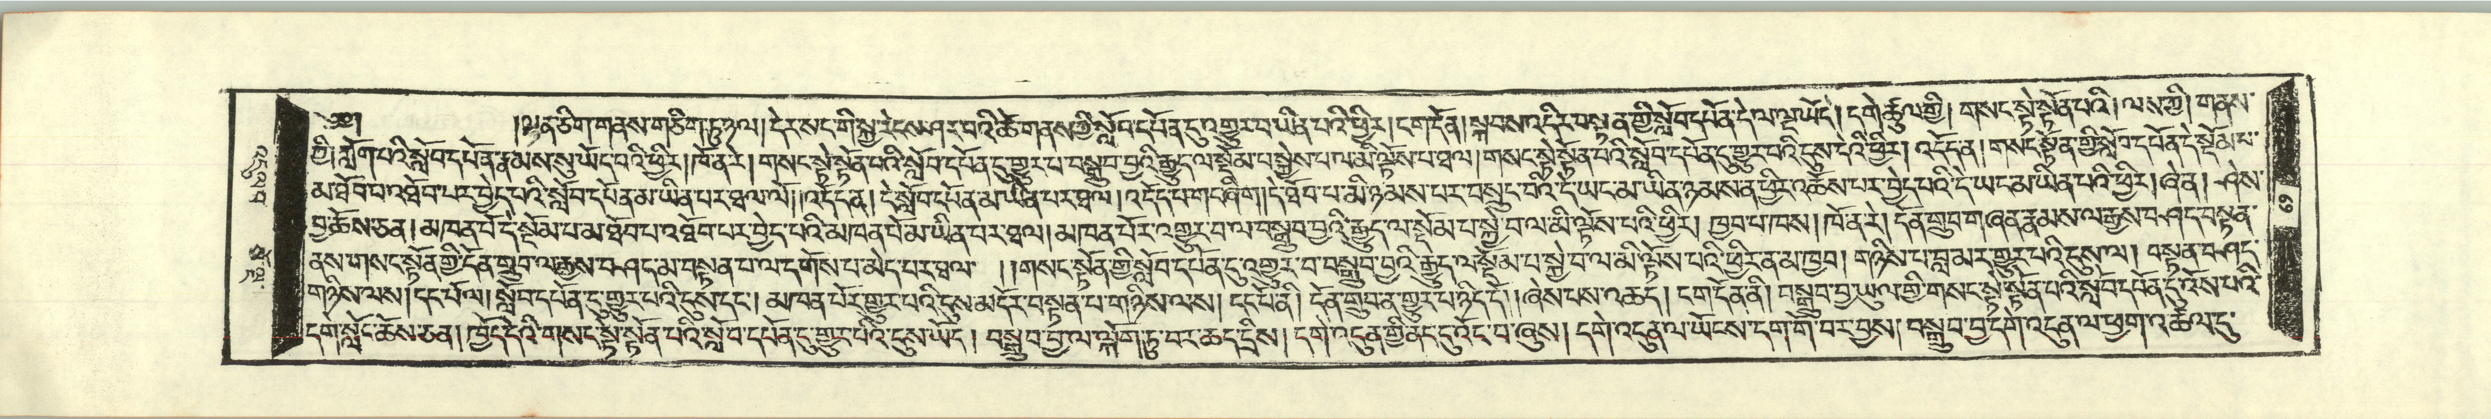༄༅། །ལྷན་ཅིག་གནས་གཅིག་ཏུ་ཉལ། དེར་སང་གི་སྐྱ་རེངས་ཤར་བའི་ཚེ་གནས་ཀྱི་སློབ་དཔོན་དུ་འགྱུར་བ་ཡིན་པའི་ཕྱིར། ངག་དོན། སྐབས་འདིར་བསྟན་གྱི་སློབ་དཔོན་དེ་ལ་ལྔ་ཡོད། དགེ་ཚུལ་གྱི། གསང་སྟེ་སྟོན་པའི། ལས་ཀྱི། གནས་
ཀྱི༑ ཀློག་པའི་སློབ་དཔོན་རྣམས་སུ་ཡོད་པའི་ཕྱིར། ཁོ་ན་རེ། གསང་སྟེ་སྟོན་པའི་སློབ་དཔོན་དུ་གྱུར་པ་བསྒྲུབ་བྱའི་རྒྱུད་ལ་སྡོམ་པ་སྐྱེས་པ་ལ་མི་ལྟོས་པ་ཐལ། གསང་སྟེ་སྟོན་པའི་སློབ་དཔོན་དུ་གྱུར་པའི་དུས་དེའི་ཕྱིར། འདོད་ན། གསང་སྟོན་གྱི་སློབ་དཔོན་དེ་སྡོམ་པ་
མ་ཐོབ་པ་འཐོབ་པར་བྱེད་པའི་སློབ་དཔོན་མ་ཡིན་པར་ཐལ་ལོ། །འདོད་ན། དེ་སློབ་དཔོན་མ་ཡིན་པར་ཐལ། འདོད་པ་གང་ཞིག །དེ་ཐོབ་པ་མི་ཉམས་པར་བསྲུང་བའི་དེ་ཡང་མ་ཡིན་ཉམས་ན་ཕྱིར་འཆོས་པར་བྱེད་པའི་དེ་ཡང་མ་ཡིན་པའི་ཕྱིར། ཞེ་ན། ཤེས་
བྱ་ཆོས་ཅན། མཁན་པོ་དེ་སྡོམ་པ་མ་ཐོབ་པ་འཐོབ་པར་བྱེད་པའི་མཁན་པོ་མ་ཡིན་པར་ཐལ། མཁན་པོར་འགྱུར་བ་ལ་བསྒྲུབ་བྱའི་རྒྱུད་ལ་སྡོམ་པ་སྐྱེ་བ་ལ་མི་ལྟོས་པའི་ཕྱིར། ཁྱབ་པ་ཁས། ཁོ་ན་རེ། དོན་གྲུབ་གཞན་རྣམས་ལ་རྒྱས་བཤད་བསྟན་
ནས་གསང་སྟོན་གྱི་དོན་གྲུབ་ལ་རྒྱས་བཤད་མ་བསྟན་པ་ལ་དགོས་པ་མེད་པར་ཐལ། །གསང་སྟོན་གྱི་སློབ་དཔོན་དུ་འགྱུར་བ་བསྒྲུབ་བྱའི་རྒྱུད་ལ་སྡོམ་པ་སྐྱེ་བ་ལ་མི་ལྟོས་པའི་ཕྱིར་ན་མ་ཁྱབ། གཉིས་པ་བླ་མར་གྱུར་པའི་དུས་ལ། བསྟན་བཤད་
གཉིས་ལས། དང་པོ་ལ། སློབ་དཔོན་དུ་གྱུར་པའི་དུས་དང་། མཁན་པོར་གྱུར་པའི་དུས་མདོར་བསྟན་པ་གཉིས་ལས། དང་པོ་ནི། དོན་གྲུབ་ན་གྱུར་པ་ཉིད་དོ། །ཞེས་པས་འཆད། ངག་དོན་ནི། བསྒྲུབ་བྱ་ཡུལ་གྱི་གསང་སྟེ་སྟོན་པའི་སློབ་དཔོན་དུ་འོས་པའི་
དགེ་སློང་ཆོས་ཅན། ཁྱོད་དེའི་གསང་སྟེ་སྟོན་པའི་སློབ་དཔོན་དུ་གྱུར་པའི་དུས་ཡོད། བསྒྲུབ་བྱ་ལ་ལྐོག་ཏུ་བར་ཆད་དྲིས། དགེ་འདུན་གྱི་ནང་དུ་འོང་བ་ཞུས། དགེ་འདུན་ལ་ཡོངས་དག་གོ་བར་བྱས། བསྒྲུབ་བྱ་དགེ་འདུན་ལ་ཕྱག་འཚལ་དུ་